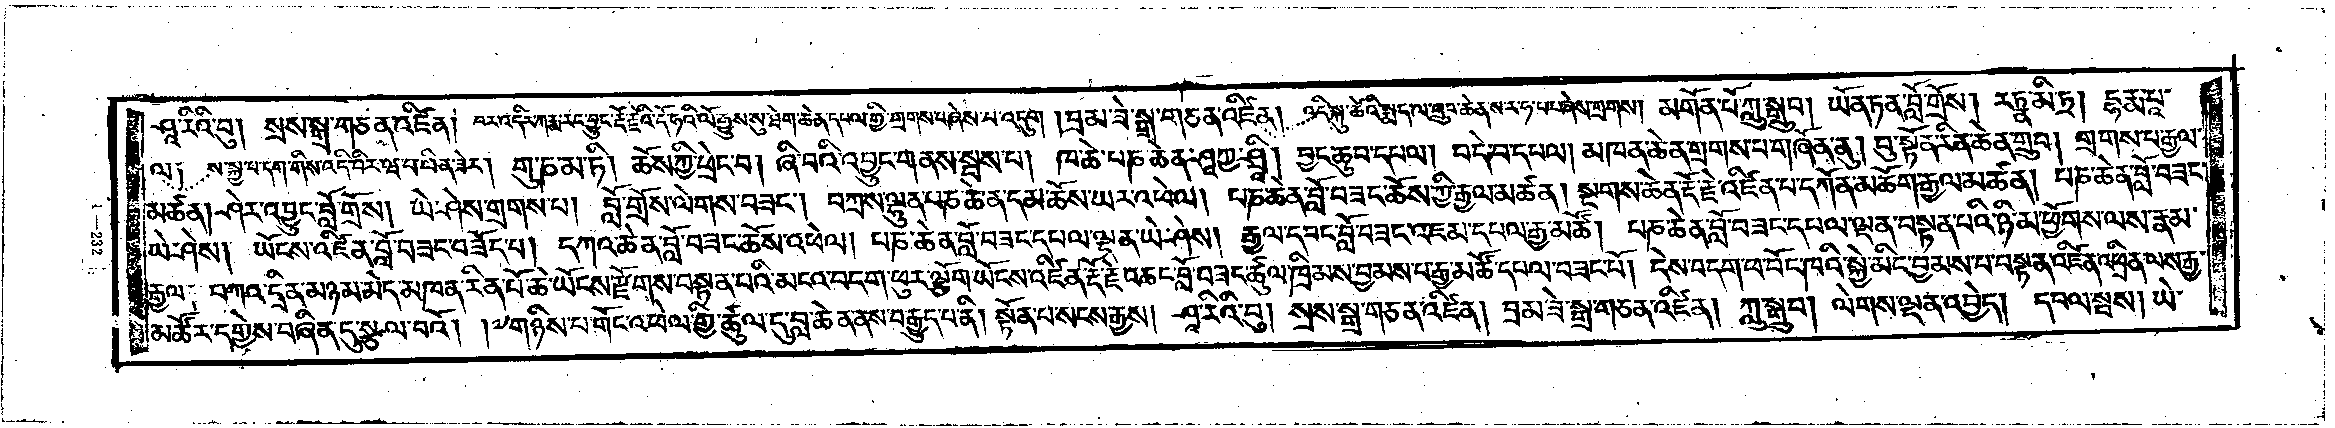ཤཱ་རིའི་བུ། སྲས་སྒྲ་གཅན་འཛིན། བར་འདིར་ཀརྨ་རང་བྱུང་རྡོ་རྗེའི་དོ་ཧའི་ལོ་རྒྱུས་སུ་ཐེག་ཆེན་དཔལ་གྱི་གྲགས་པ་ཞེས་པ་འདུག་།བྲམ་ཟེ་སྒྲ་གཅན་འཛིན་འདི་སྐུ་ཚེའི་སྨད་ལ་གྲུབ་ཆེན་ས་ར་ཧ་པ་པ་ཞེས་གྲགས།  མགོན་པོ་ཀླུ་སྒྲུབ། ཡོན་ཏན་བློ་གྲོས། རཏྣ་མི་ཏྲ། དྷརྨ་པཱ་
ལ་ས་སྐྱ་པ་དག་གིས་འདི་བིར་ཝ་པ་པིན་ཟེར།  གུ་ཎ་མ་ཏི། ཆོས་ཀྱི་ཕྲེང་བ། ཞི་བའི་འབྱུང་གནས་སྦས་པ། ཁ་ཆེ་པཎ་ཆེན་ཤཱཀྱ་ཤྲཱི། བྱང་ཆུབ་དཔལ། བདེ་བ་དཔལ། མཁན་ཆེན་གྲགས་པ་གཞོན་ནུ། བུ་སྟོན་རིན་ཆེན་གྲུབ། གྲགས་པ་རྒྱལ་
མཚན། ཤེར་འབྱུང་བློ་གྲོས། ཡེ་ཤེས་གྲགས་པ། བློ་གྲོས་ལེགས་བཟང་། བཀྲས་ལྷུན་པཎ་ཆེན་དམ་ཆོས་ཡར་འཕེལ། པཎ་ཆེན་བློ་བཟང་ཆོས་ཀྱི་རྒྱལ་མཚན། སྔགས་ཆེན་རྡོ་རྗེ་འཛིན་པ་དཀོན་མཆོག་རྒྱལ་མཚན། པཎ་ཆེན་བློ་བཟང་
ཡེ་ཤེས། ཡོངས་འཛིན་བློ་བཟང་བཟོད་པ། དཀའ་ཆེན་བློ་བཟང་ཆོས་འཕེལ། པཎ་ཆེན་བློ་བཟང་དཔལ་ལྡན་ཡེ་ཤེས། རྒྱལ་དབང་བློ་བཟང་འཇམ་དཔལ་རྒྱ་མཚོ། པཎ་ཆེན་བློ་བཟང་དཔལ་ལྡན་བསྟན་པའི་ཉི་མ་ཕྱོགས་ལས་རྣམ་
རྒྱལ༑ བཀའ་དྲིན་མཉམ་མེད་མཁན་རིན་པོ་ཆེ་ཡོངས་རྫོགས་བསྟན་པའི་མངའ་བདག་ཕུར་ལྕོག་ཡོངས་འཛིན་རྡོ་རྗེ་འཆང་བློ་བཟང་ཚུལ་ཁྲིམས་བྱམས་པ་རྒྱ་མཚོ་དཔལ་བཟང་པོ། དེས་བདག་ཕ་བོང་ཁའི་སྐྱེ་མིང་བྱམས་པ་བསྟན་འཛིན་འཕྲིན་ལས་རྒྱ་མཚོར་དགྱེས་བཞིན་དུ་སྩལ་བའོ། །༧གཉིས་པ་གོང་འཕེལ་གྱི་ཚུལ་དུ་བླ་ཆེན་ནས་བརྒྱུད་པ་ནི། སྟོན་པ་སངས་རྒྱས། ཤཱ་རིའི་བུ། སྲས་སྒྲ་གཅན་འཛིན། བྲམ་ཟེ་སྒྲ་གཅན་འཛིན། ཀླུ་སྒྲུབ། ལེགས་ལྡན་འབྱེད། དབལ་སྦས། ཡེ་